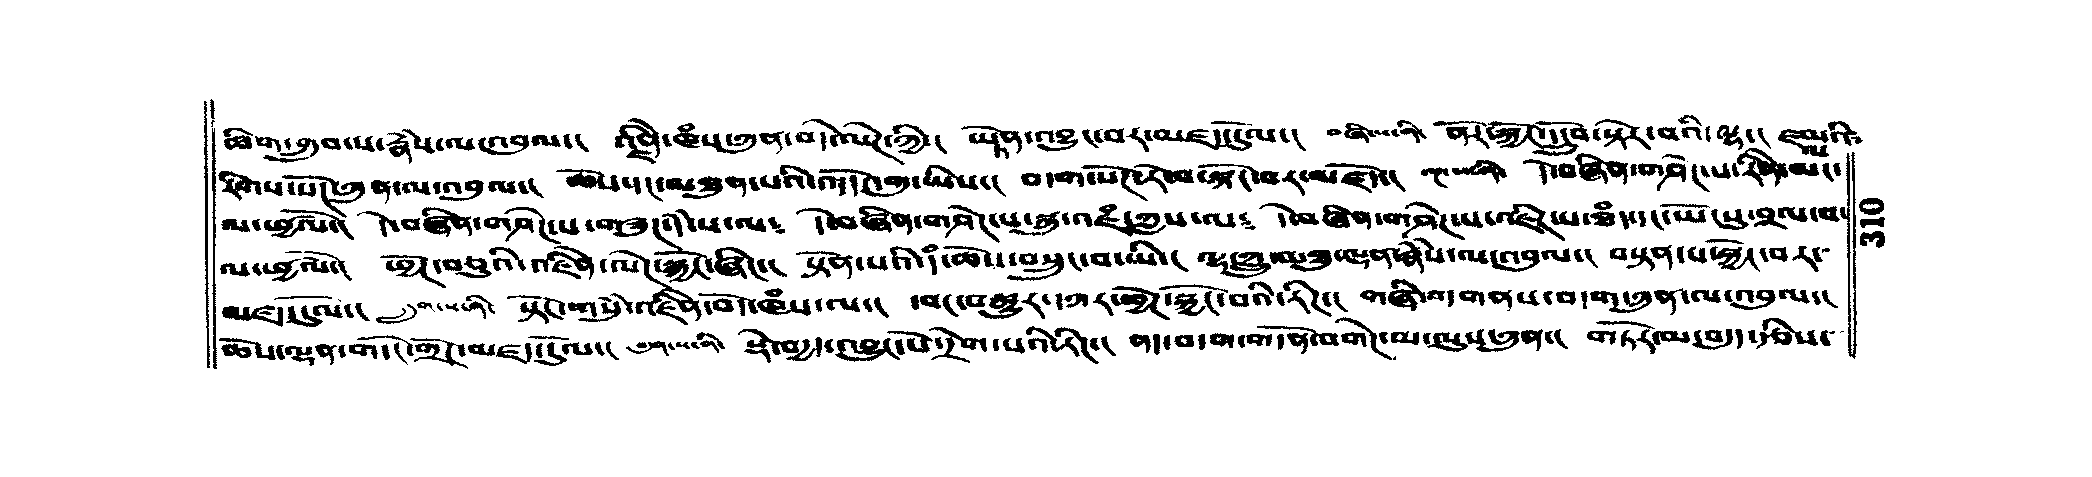ཚིག་གྲུབ་པ་རྣམས་ལ་འབུལ། །འཇིག་རྟེན་ཁམས་ཀུན་བདེ་ལེགས་ཀྱི། །ཡོན་ཏན་འབྱུང་བར་མཛད་དུ་གསོལ། ། བཞི་པ་ནི། ནོར་སྐྱོང་དངོས་གྲུབ་སྟེར་བའི་ལྷ། །ཛམླའི་
རིགས་སོགས་ཀུན་ལ་འབུལ། ཆོས་དང་མཐུན་པའི་འདོད་དགུ་ཡིས། །བདག་སོགས་རེ་བ་སྐོང་བར་མཛོད། ། ལྔ་པ་ནི། དེ་བཞིན་གཤེགས་པ་རིན་ཆེན་མང་
ཕྱག་འཚལ་ལོ། །དེ་བཞིན་གཤེགས་པ་གཟུགས་དམ་པ་ལ་༴ དེ་བཞིན་གཤེགས་པ་སྐུ་འབྱམས་ཀླས་ལ༴ དེ་བཞིན་གཤེགས་པ་འཇིགས་པ་ཐམས་ཅད་དང་ཡོངས་སུ་བྲལ་བ་
ལ་ཕྱག་འཚལ་ལོ། ཕྱོགས་བཅུའི་འཇིག་རྟེན་ལེགས་སྐྱོང་ཞིང་། །སྟོན་པའི་དམ་ཆོས་བསྲུང་བ་ཡི། །ལྷ་ཀླུ་མཐུ་ལྡན་རྣམས་ལ་འབུལ། །བསྟན་པ་སྐྱོང་བར་
མཛད་དུ་གསོལ། ། དྲུག་པ་ནི། སྟོང་གསུམ་འཇིག་རྟེན་བོད་ཁམས་ལ། །དབང་བསྒྱུར་དཀར་ཕྱོགས་སྐྱོང་བའི་རིགས། །གཞི་བདག་གནས་བདག་ཀུན་ལ་འབུལ། །
ཆོས་ལྡན་གདོང་གྲོགས་མཛད་དུ་གསོལ། །བདུན་པ་ནི། སྡེ་བརྒྱད་འབྱུང་པོ་དྲེགས་པའི་རིགས། །ནད་བདག་གདོན་བགེགས་མ་ལུས་ཀུན། །གཏོར་མ་བདུད་རྩིས་